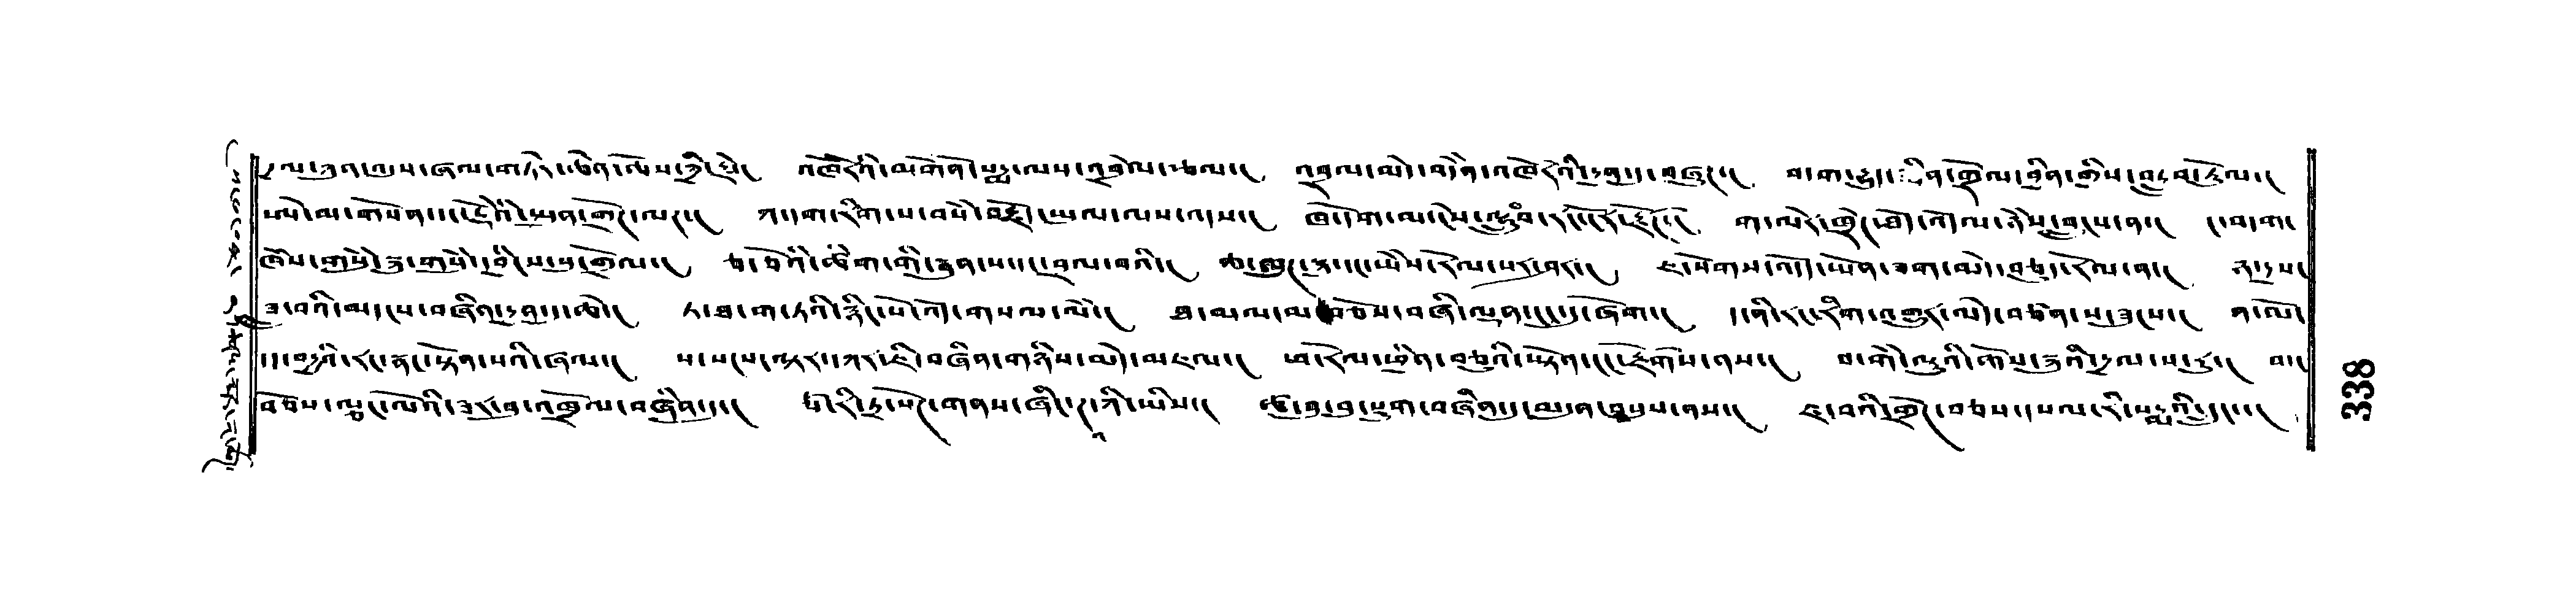རྒྱལ་ཀུན་འདུས་ཞལ་གཏེར་ཆེན་ཆོས་ཀྱི་རྗེ། །འཁོར་ལོའི་མགོན་པོ་པདྨ་ལས་འབྲེལ་རྩལ། །འབྲལ་མེད་བདེ་ཆེན་འཁོར་ལོའི་རྒྱན་དུ་བཞུགས། །བདག་རྒྱུད་སྨིན་གྲོལ་བྱིན་གྱིས་བརླབ་ཏུ་གསོལ། །
ཨེ་མ་གསོན་དང་རྡོ་རྗེ་སྤུན་གྲོགས་ལགས། །ཀ་དག་རིག་པ་བསམ་བརྗོད་ཡུལ་ལས་འདས། ཁ་དོག་མ་ངེས་ལྷུན་གྲུབ་རང་ངོར་རྫོགས་། །ག་ལེར་ཁྲེགས་ཐོད་འོད་གསལ་ཉམས་བླངས་ན། །ང་བདག་
ཁམས་གསུམ་སྐུ་གསུམ་དབྱིངས་སུ་གྲོལ། །ཅ་ཅོའི་ཚིག་གི་སྦུན་པ་དང་བྲལ་བའི། །ཆ་ལུགས་སྐུ་དང་ཡེ་ཤེས་རོལ་པར་ཤར། །ཇ་སོགས་འདོད་ཡོན་ཟག་མེད་བཅུད་རོལ་ན། །ཉ་རྒྱས་
ཟླ་བའི་མདངས་བཞིན་རྒྱན་དུ་ཆེ། །ཏ་ཐ་ག་ཏའི་སྙིང་པོ་འོད་གསལ་ལམ། །ཐ་མལ་མ་བཅོས་བཞི་ལྡན་ངང་དུ་ཞོག།ད་ནི་རང་རིག་འགྱུར་མེད་བཙན་ས་ཟུངས། །ན་མོ་
དད་བརྒྱའི་རང་སྣང་སྟོན་པའི་ཞལ། །པ་སངས་ལྟར་དཀར་ཇི་བཞིན་གཉིས་མེད་མཇལ། །ཕ་རོལ་ཕྱིན་བཅུའི་ཡོན་ཏན་ངང་རྫོགས་ནས། །བ་གམ་ལྟ་བུའི་ཆོས་སྐུའི་རྒྱལ་ས་རུ། །མ་
བཅོས་ལྕང་ལོའི་ཟར་བུ་འཁྲོལ་བཞིན་དུ། །ཙ་རི་ཏྲ་སོགས་གནས་ཞིང་ཌཱ་ཀི་ཡིས། །ཚ་བུ་བུ་སྡུག་བཞིན་དུ་མདུན་བསུས་ནས། །ཛ་བའི་གྲོགས་བཅས་དཔལ་རི་པདྨའི་དྲུང་།